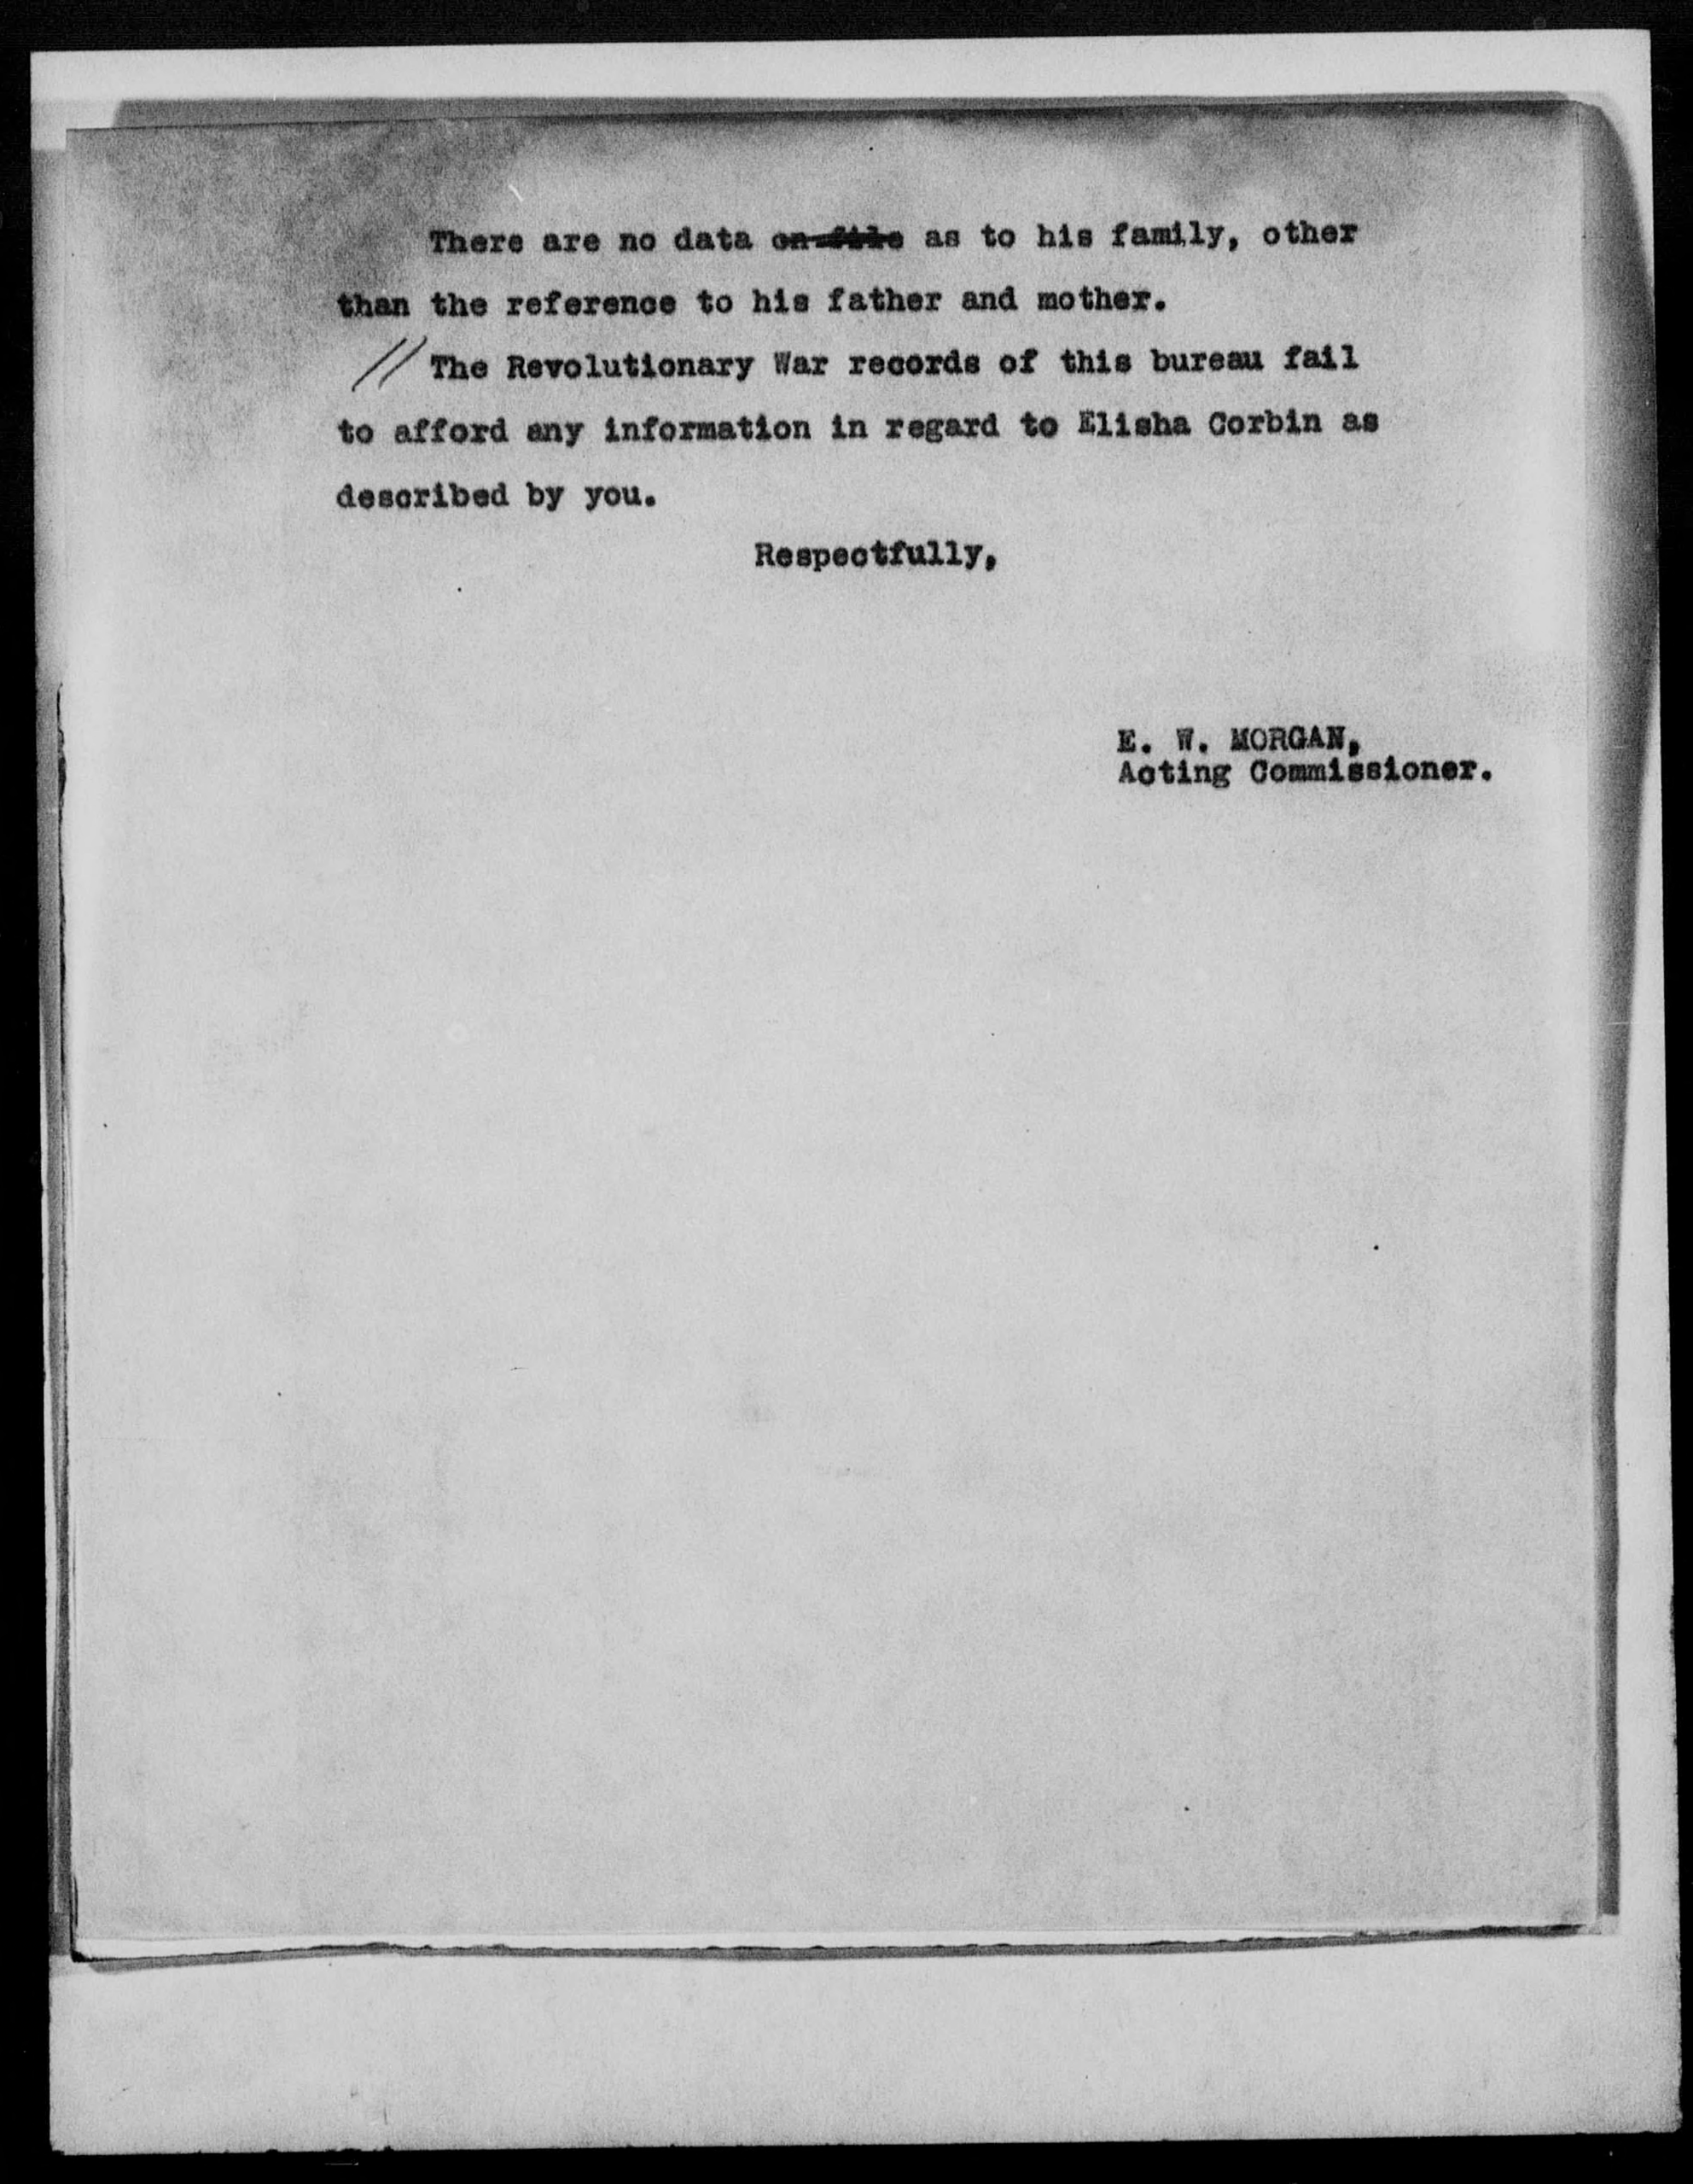There are no data on file ["on file" crossed out] as to his family, other than the reference to his father and mother.
The Revolutionary War records of this bureau fail
to afford any information in regard to Elisha Corbin as described by you.
Respectfully,
E. W. MORGAN,
Acting Commissioner.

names: E W Morgan, Elisha Corbin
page: 15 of 34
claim: survivor's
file: S. 12581, Joshua Corbin, Mass.